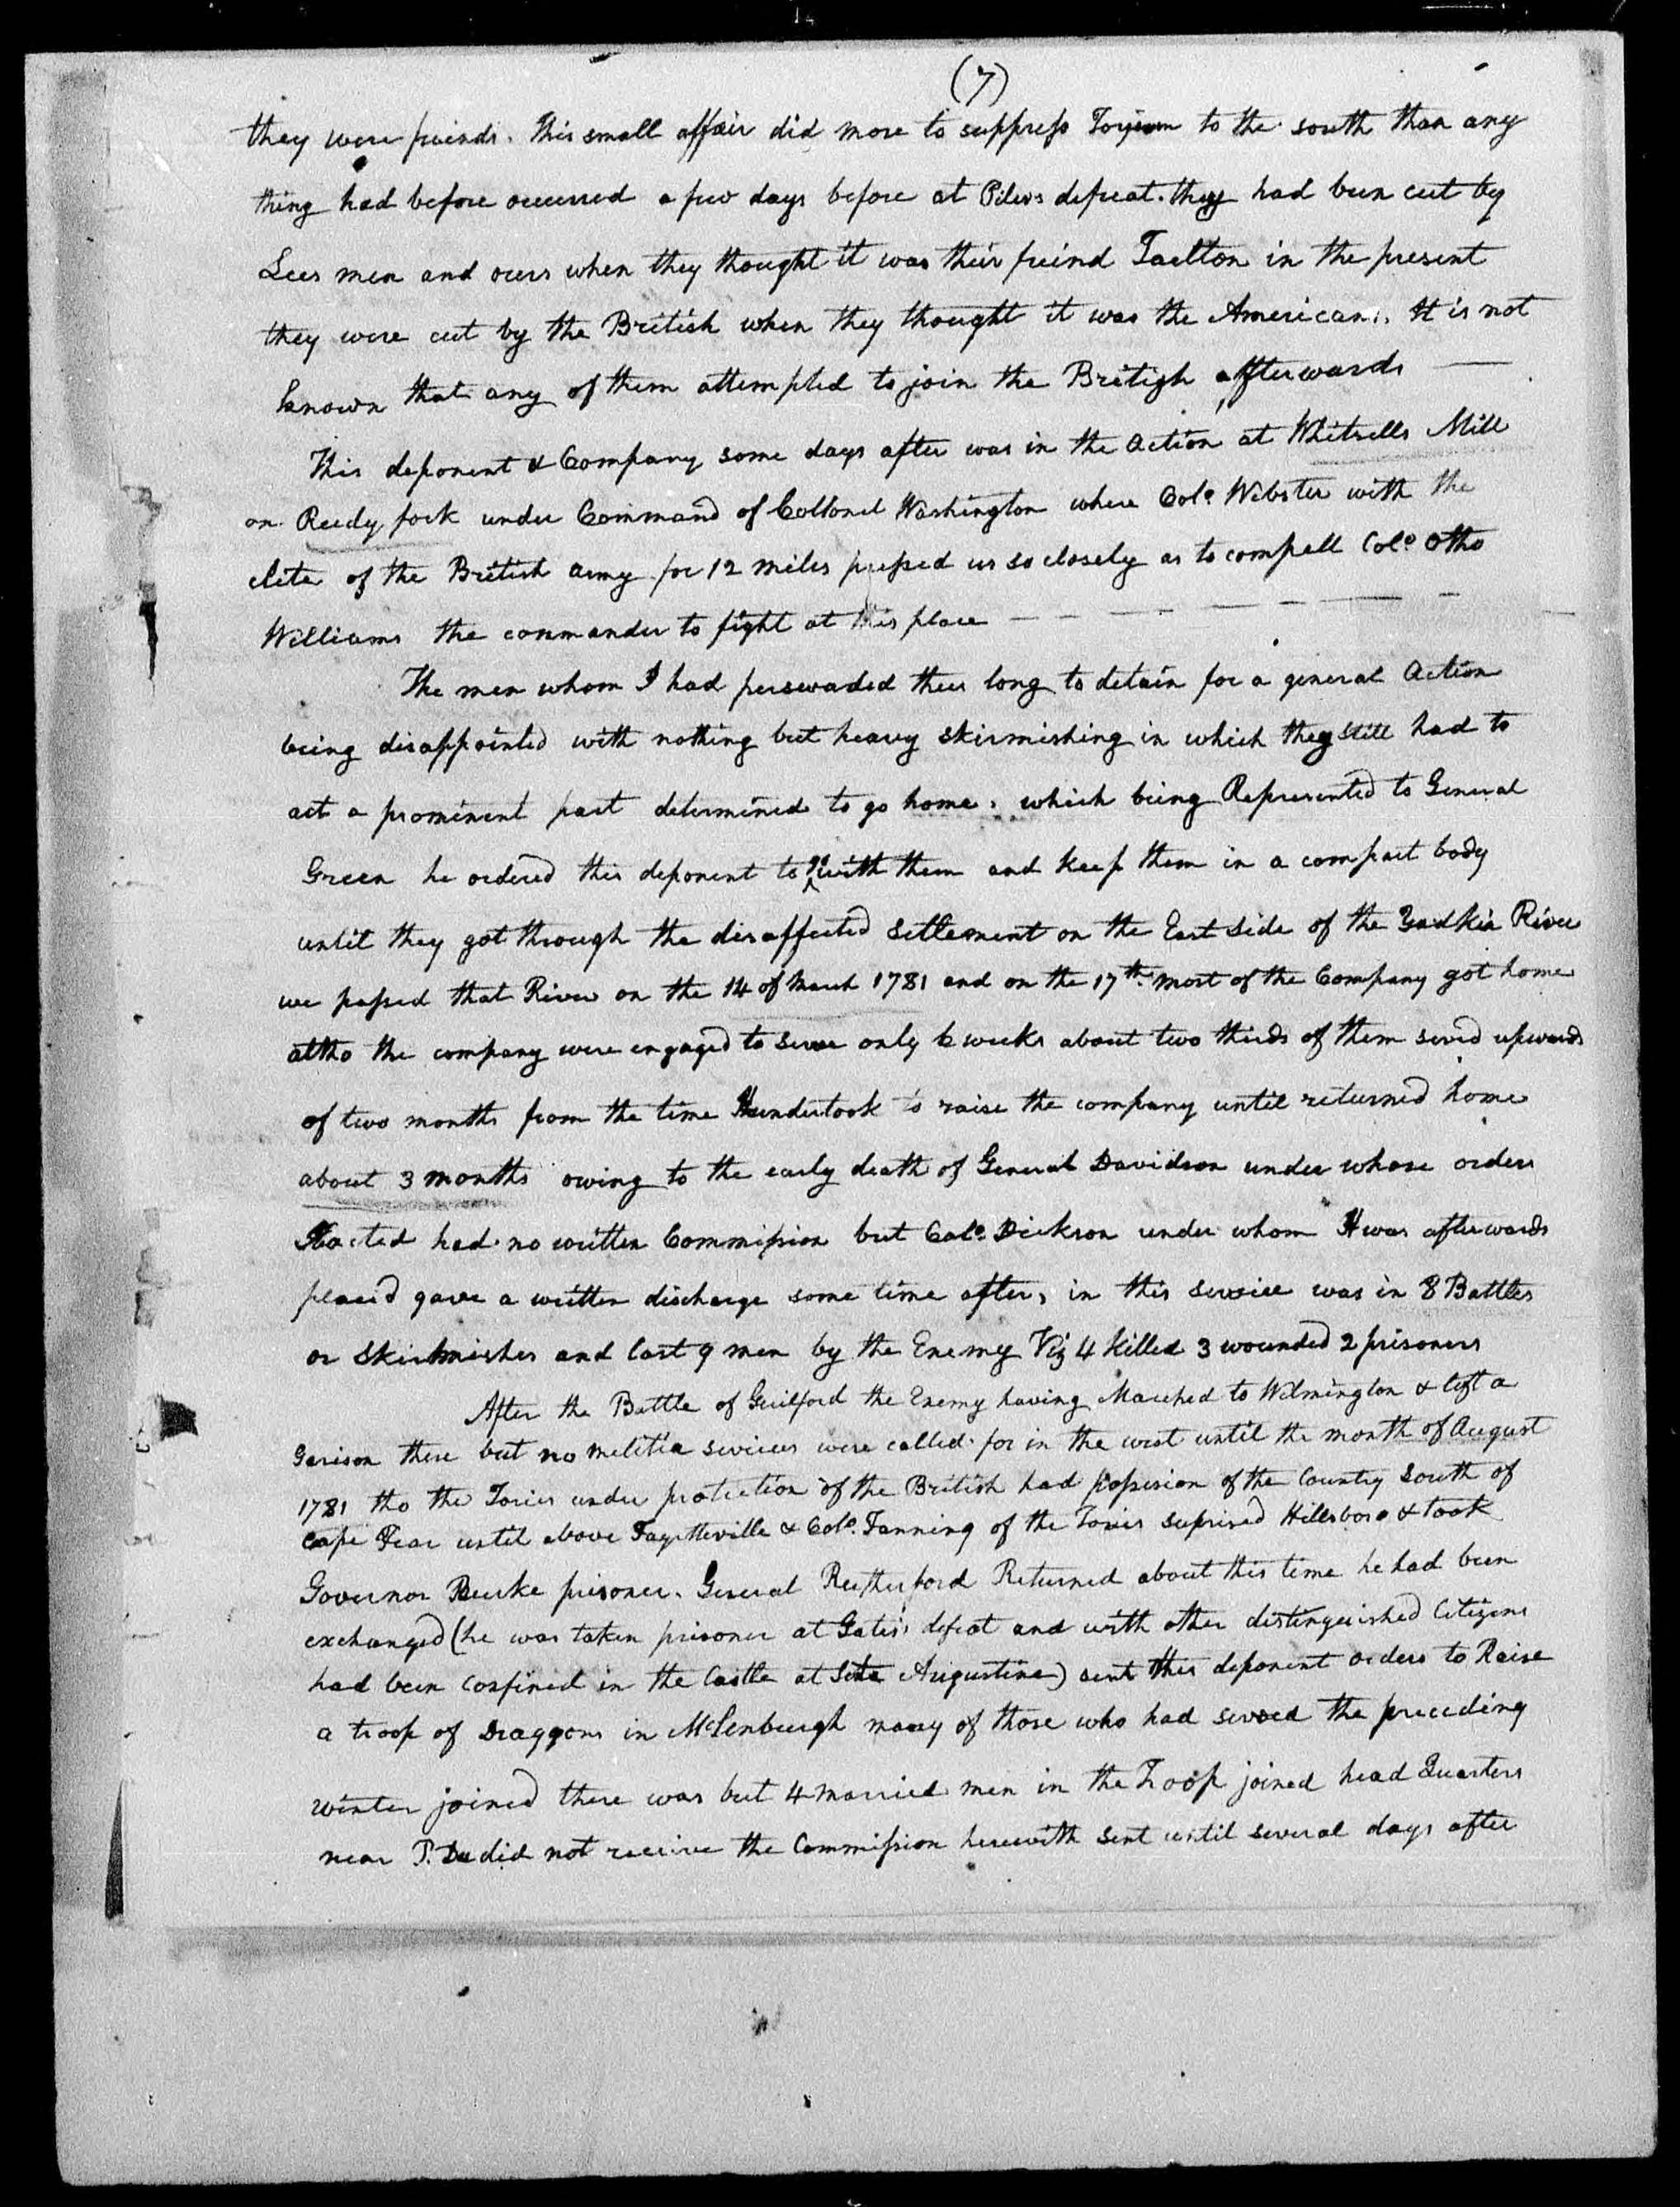(7)
they were friends. This small affair did more to suppress Toryism to the south than anything had before occcurred a few days before at Piles's defeat they had been cut by Lee's men and ours when they thought it was their friend Tarlton in the present they were cut by the British when they thought it was the Americans. It is not known that any of them attempted to join the British afterwards --------
This deponent & Company some days after was in the action at Whitesells Mill on Reedy fork under command of Colonel Washington where Col. Webster with the elite of the British army for 12 miles passed us so closely as to compell Col. Otho Williams the commander to fight at this place -----

The men whom I had persuaded this long to detain for a general action being disappointed with nothing but heavy skirmishing in which they still had to act a prominent part determined to go home, which being represented to Gen'l. Green he ordered their deponent to go with them and keep them in a compact body until they got through the disaffected settlement on the East side of the Yadkin river we passed that river on the 14th of March 1781 and on the 17th most of the company got home altho the company were engaged to serve only 6 weeks about two thirds of them served upwards of 2 months from the time undertook to raise the company until returned home about 3 months owing to the early death of General Davidson under whose orders started had no written Commission but Col. Dickson under whom It was afterwards pleased gave a written discharge some time after, in this service was in 8 Battles or skirmishes and lost 9 men by the Enemy Viz. 4 killed 3 wounded 2 prisoners.

After the Battle of Guilford the  Enemy having marched to Wilmington & left a Garrison there but no milita services were called for in the west until the month of August 1781 tho the Tories under protection of the British had possession of the county south of Cape Fear until above Fayetteville & Col. Fanning of the Tories surprised Hillsboro & took Governor Burke prisoner, General Rutherford returned about this time he had been exchanged (he was taken prisoner at Gate's defeat and with other distinguished citizens had been confined in the Castle at St. Augustine) sent this deponent orders to raise a troop of Dragoons in Mecklenburg many of those who had served  the preceding winter joined there was but 4 married men in the Troop joined headquarters near Pee Dee did not receive the Commission herewith sent until several days after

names: Fanning, Davidson, Gates, Otho Williams, Dickson, Burke, Washington, Webster, Rutherford, Green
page: 9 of 55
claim: survivor's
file: S. 6,937, Joseph Graham, N.C.